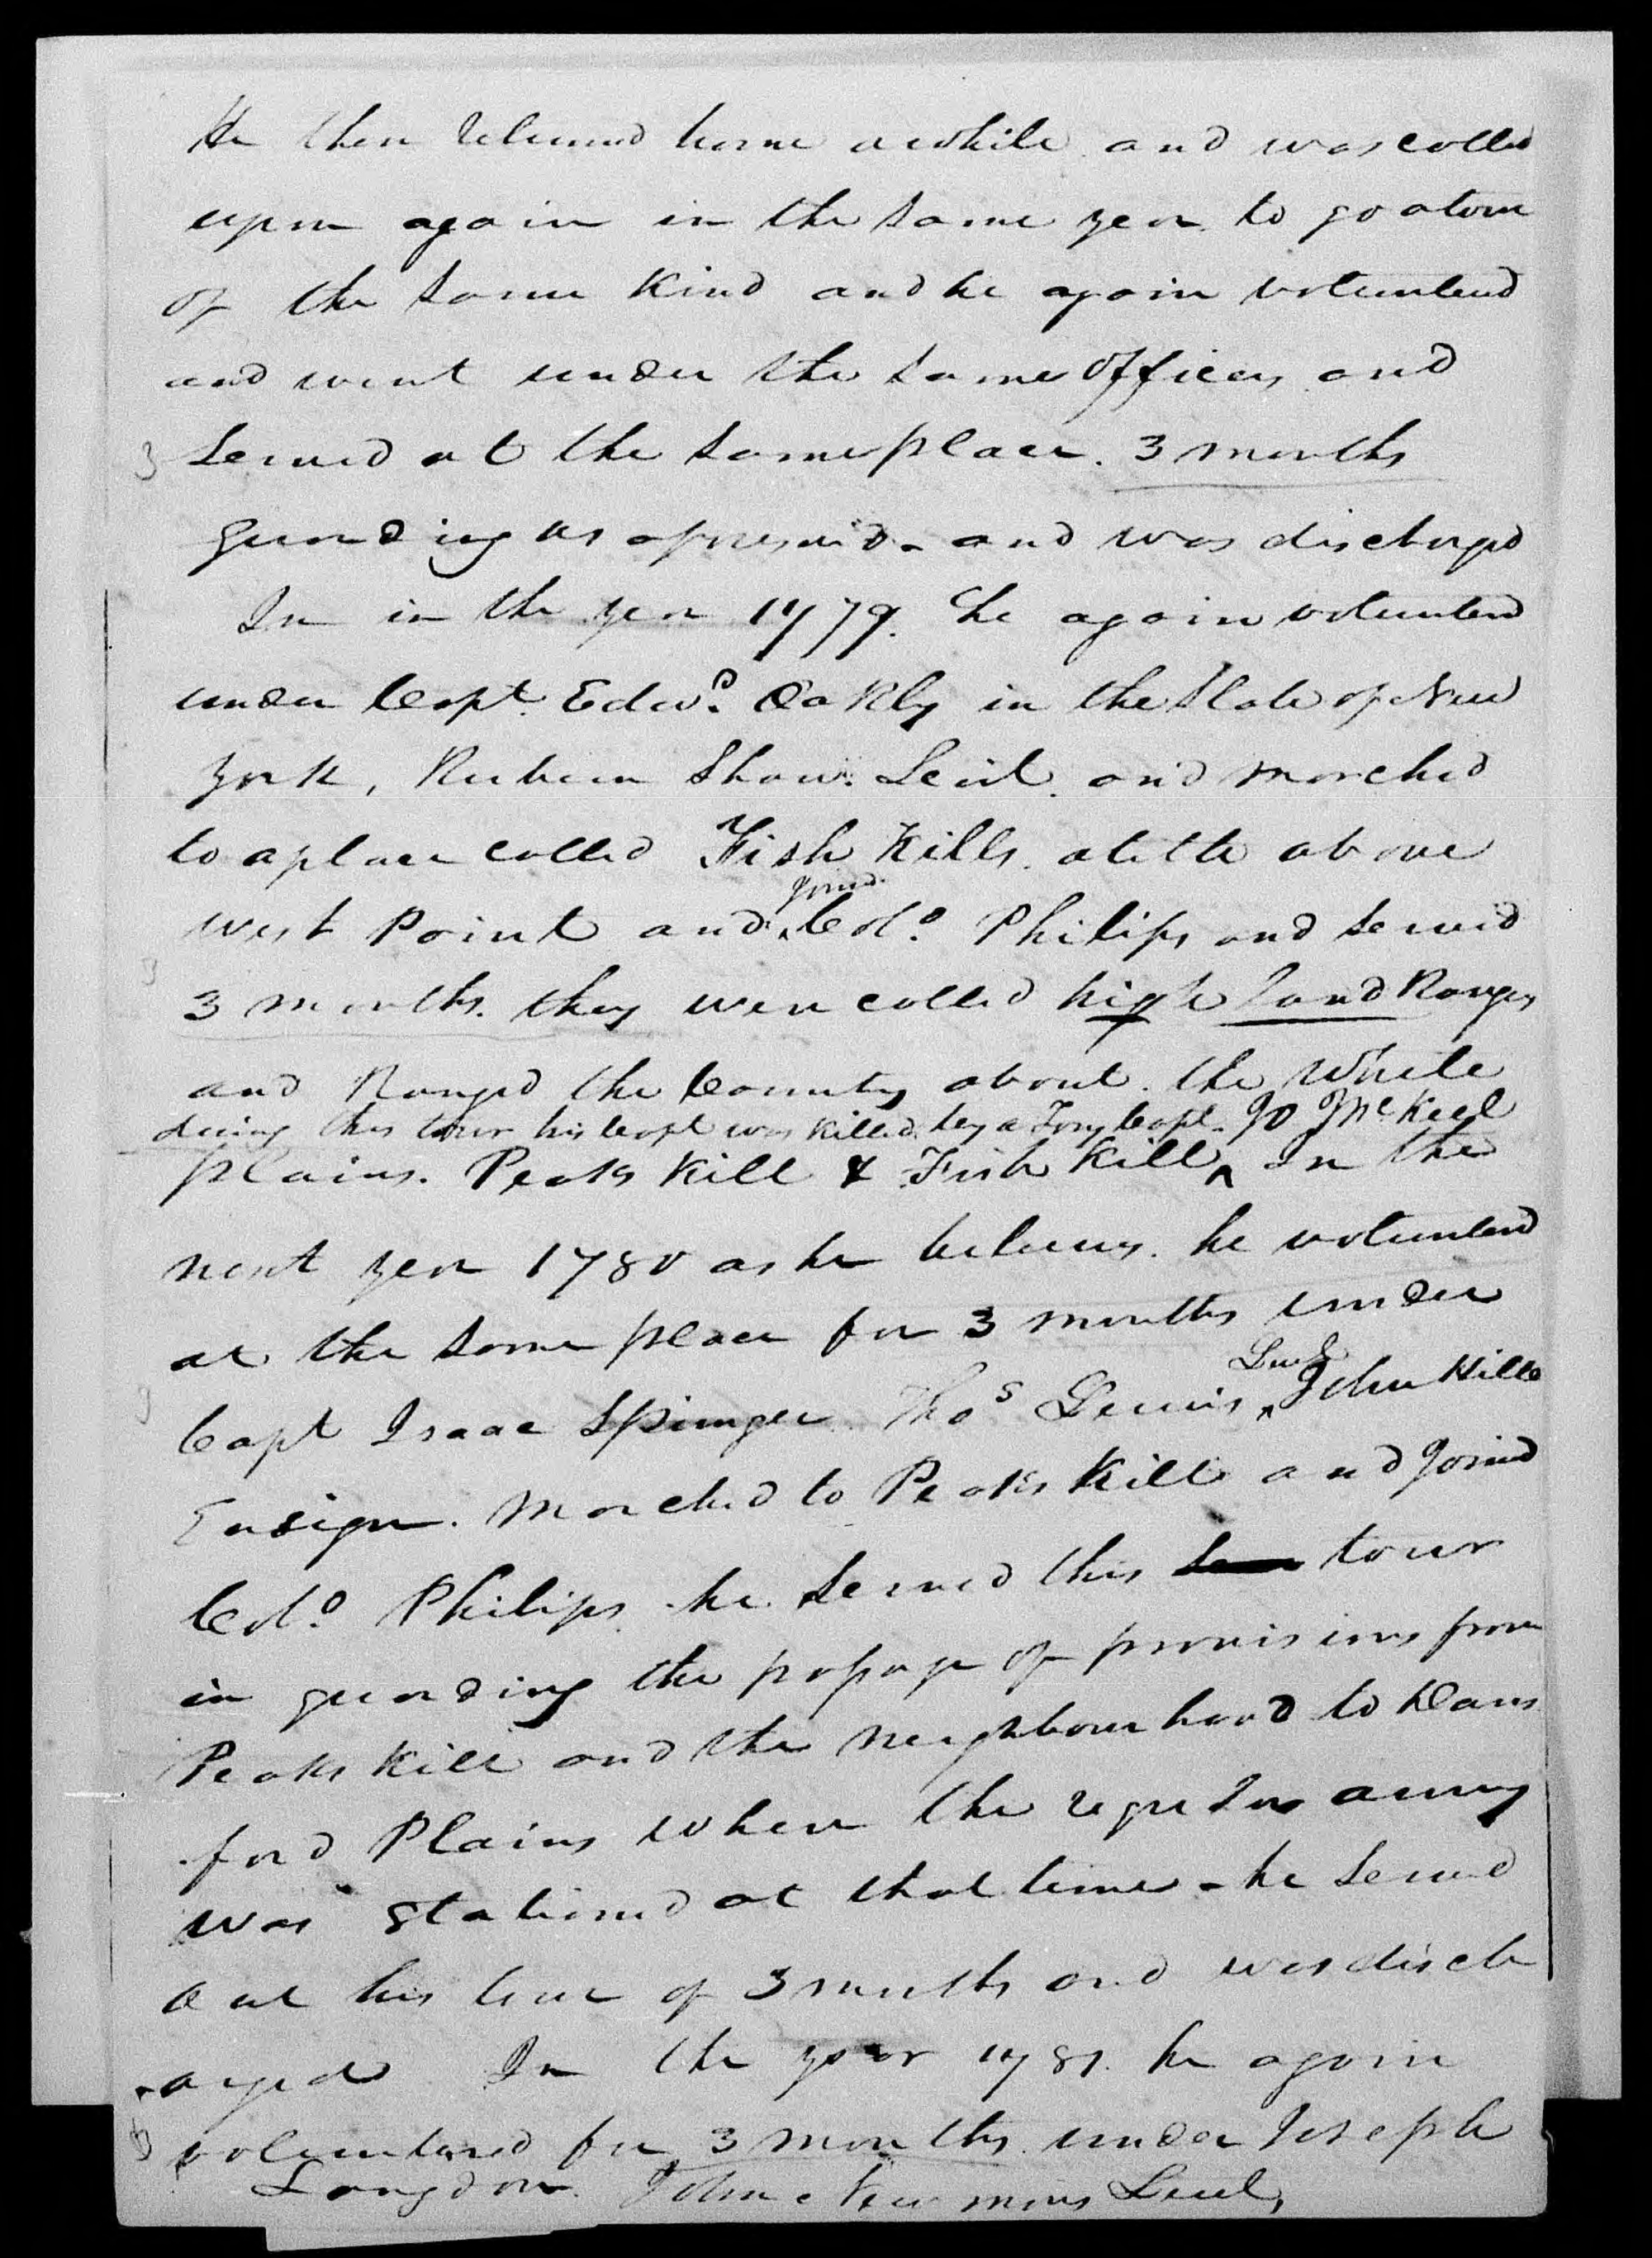He then returned home awhile and was called upon again in the same year to go a tour of the same kind and he again volunteered and went under the same officers and served at the same place 3 months guarding as aforesaid and was discharged. In in the year 1779 he again volunteered under Capt Edwd. Oakly in the state of New York, Rubeen [Reuben]  Shaw Leiut and marched to a place called Fishkill a little above West Point and joined Colo Philips and served 3 months they were called highland rangers and ranged the County about the White Plains Peekskill & Fishkill during this tour his Capt was killed by a Tory,  Capt. Jo McKeel. In the next year 1780 as he believes he volunteered at the same place for 3 months under Capt Isaac Springer, Thos Lewis Lieut,  John Hill Ensign. Marched to Peakskill and joined Colo Philips he served this tour in guarding the passage of provisions from Peakskill and the neighbourhood to Dansford Plains where the regular army was stationed at that time. he served out his tour of 3 months and was discharged in the year 1781 he again volunteered for 3 months under Joseph Langdon,  John Newmans Lieut,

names: [BLANK] Philips; John Hill; Thos Lewis; Rubeen Shaw; Edwd Oakly; Joseph Langdon; Isaac Springer; Jo Mc Keel; John Newmons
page: 4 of 12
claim: survivor's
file: S. 31207, for Messenger Lewis, Connecticut